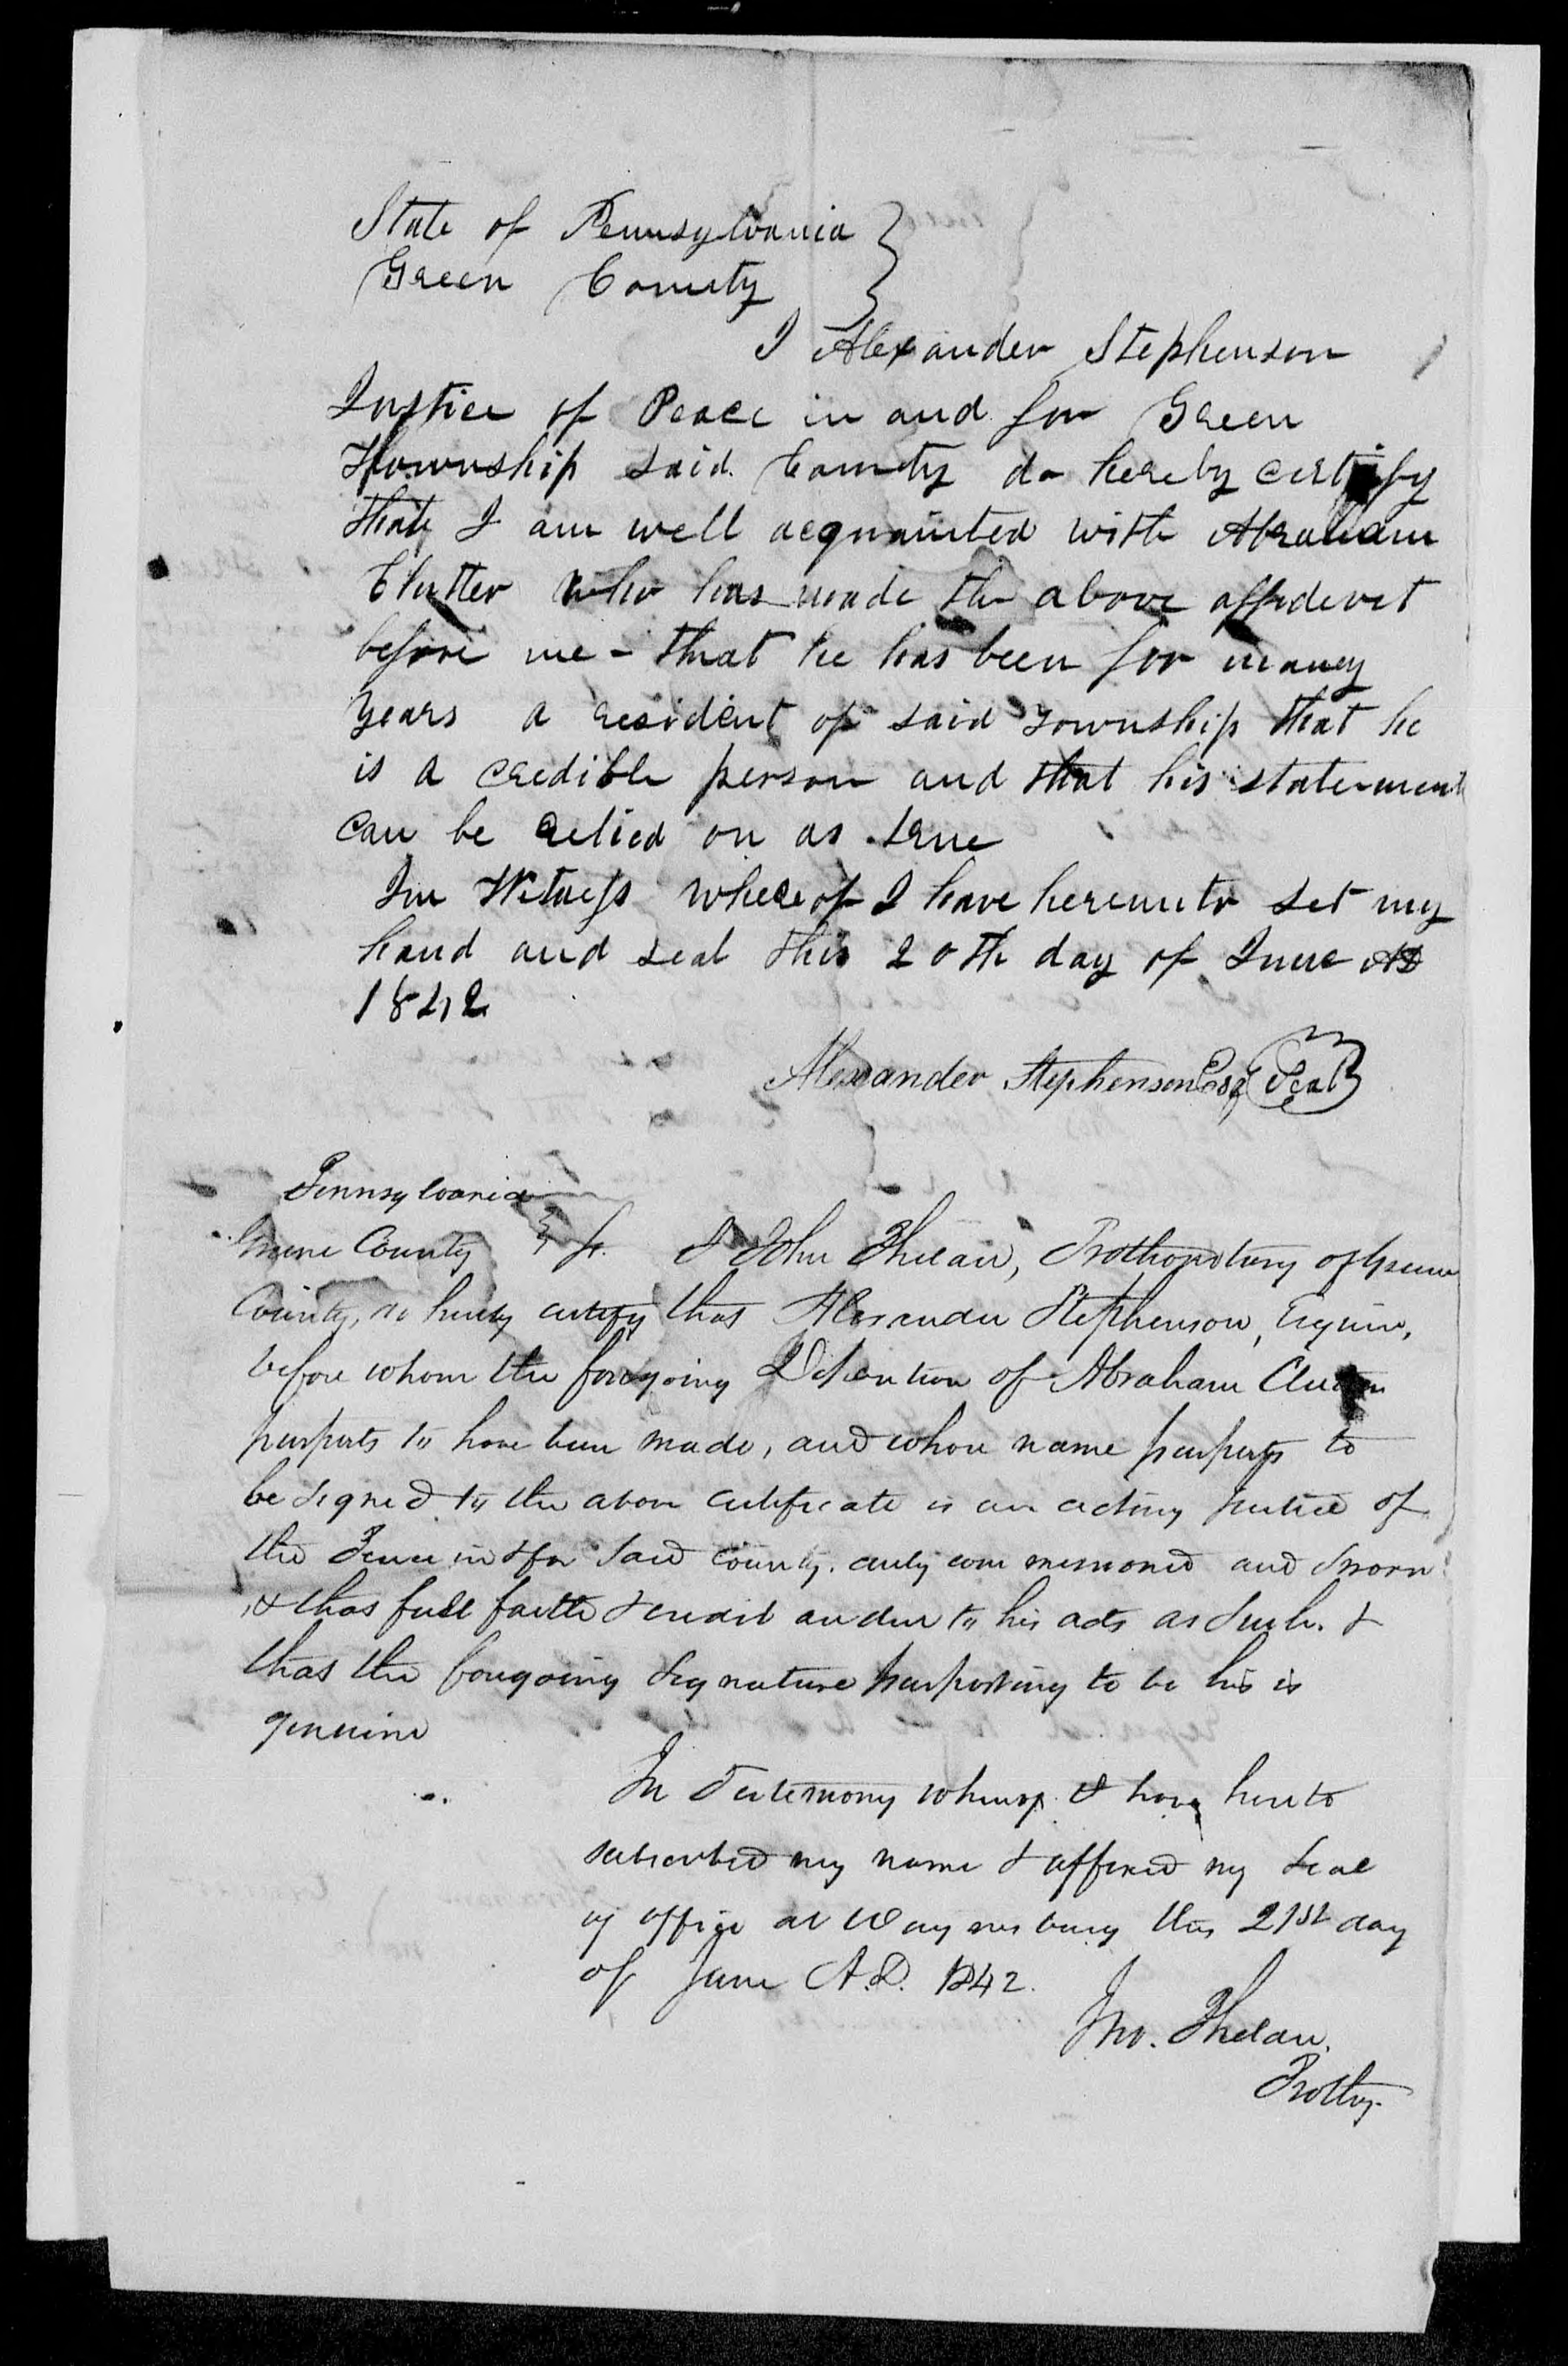State of Pennsylvania
Green County }
I, Alexander Stephenson, Justice of the Peace in and for Green Township said County do hereby certify that I am well acquainted with Abraham Clutter who has made the above affidavit before me & that he has been for many years a resident of said township, that he is a credible person and that his statement can be relied on as true. 
In witness whereof I have hereunto set my hand and seal this 20th day of June A.D. 1842.
Alexander Stephenson, Esq.

Pennsylvania
Green County
I, John Phelan, Prothonotary of Green County do hereby certify that Alexander Stephenson, Esquire before whom the foregoing deposition of Abraham Clutter purports to have been made, and whose name purports to be signed to the above certificate is an acting Justice of the Peace in & for said county, duly commissioned and sworn & that full faith & credit are due his acts as such & that the foregoing signatures purporting to be his is genuine.  
In testimony whereof I have hereto subscribed my name & affixed my seal of office at Waynesburg this 21st day of June A.D. 1842
Jno. Phelan
Prothy.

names: Alexander Stephenson, John Phelan, Abraham Clutter, Alexander Stephenson, Jno Phelan, Alexander Stephenson, Abraham Clutter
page: 11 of 35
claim: rejected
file: R. 2066, William Clutter, New Jersey